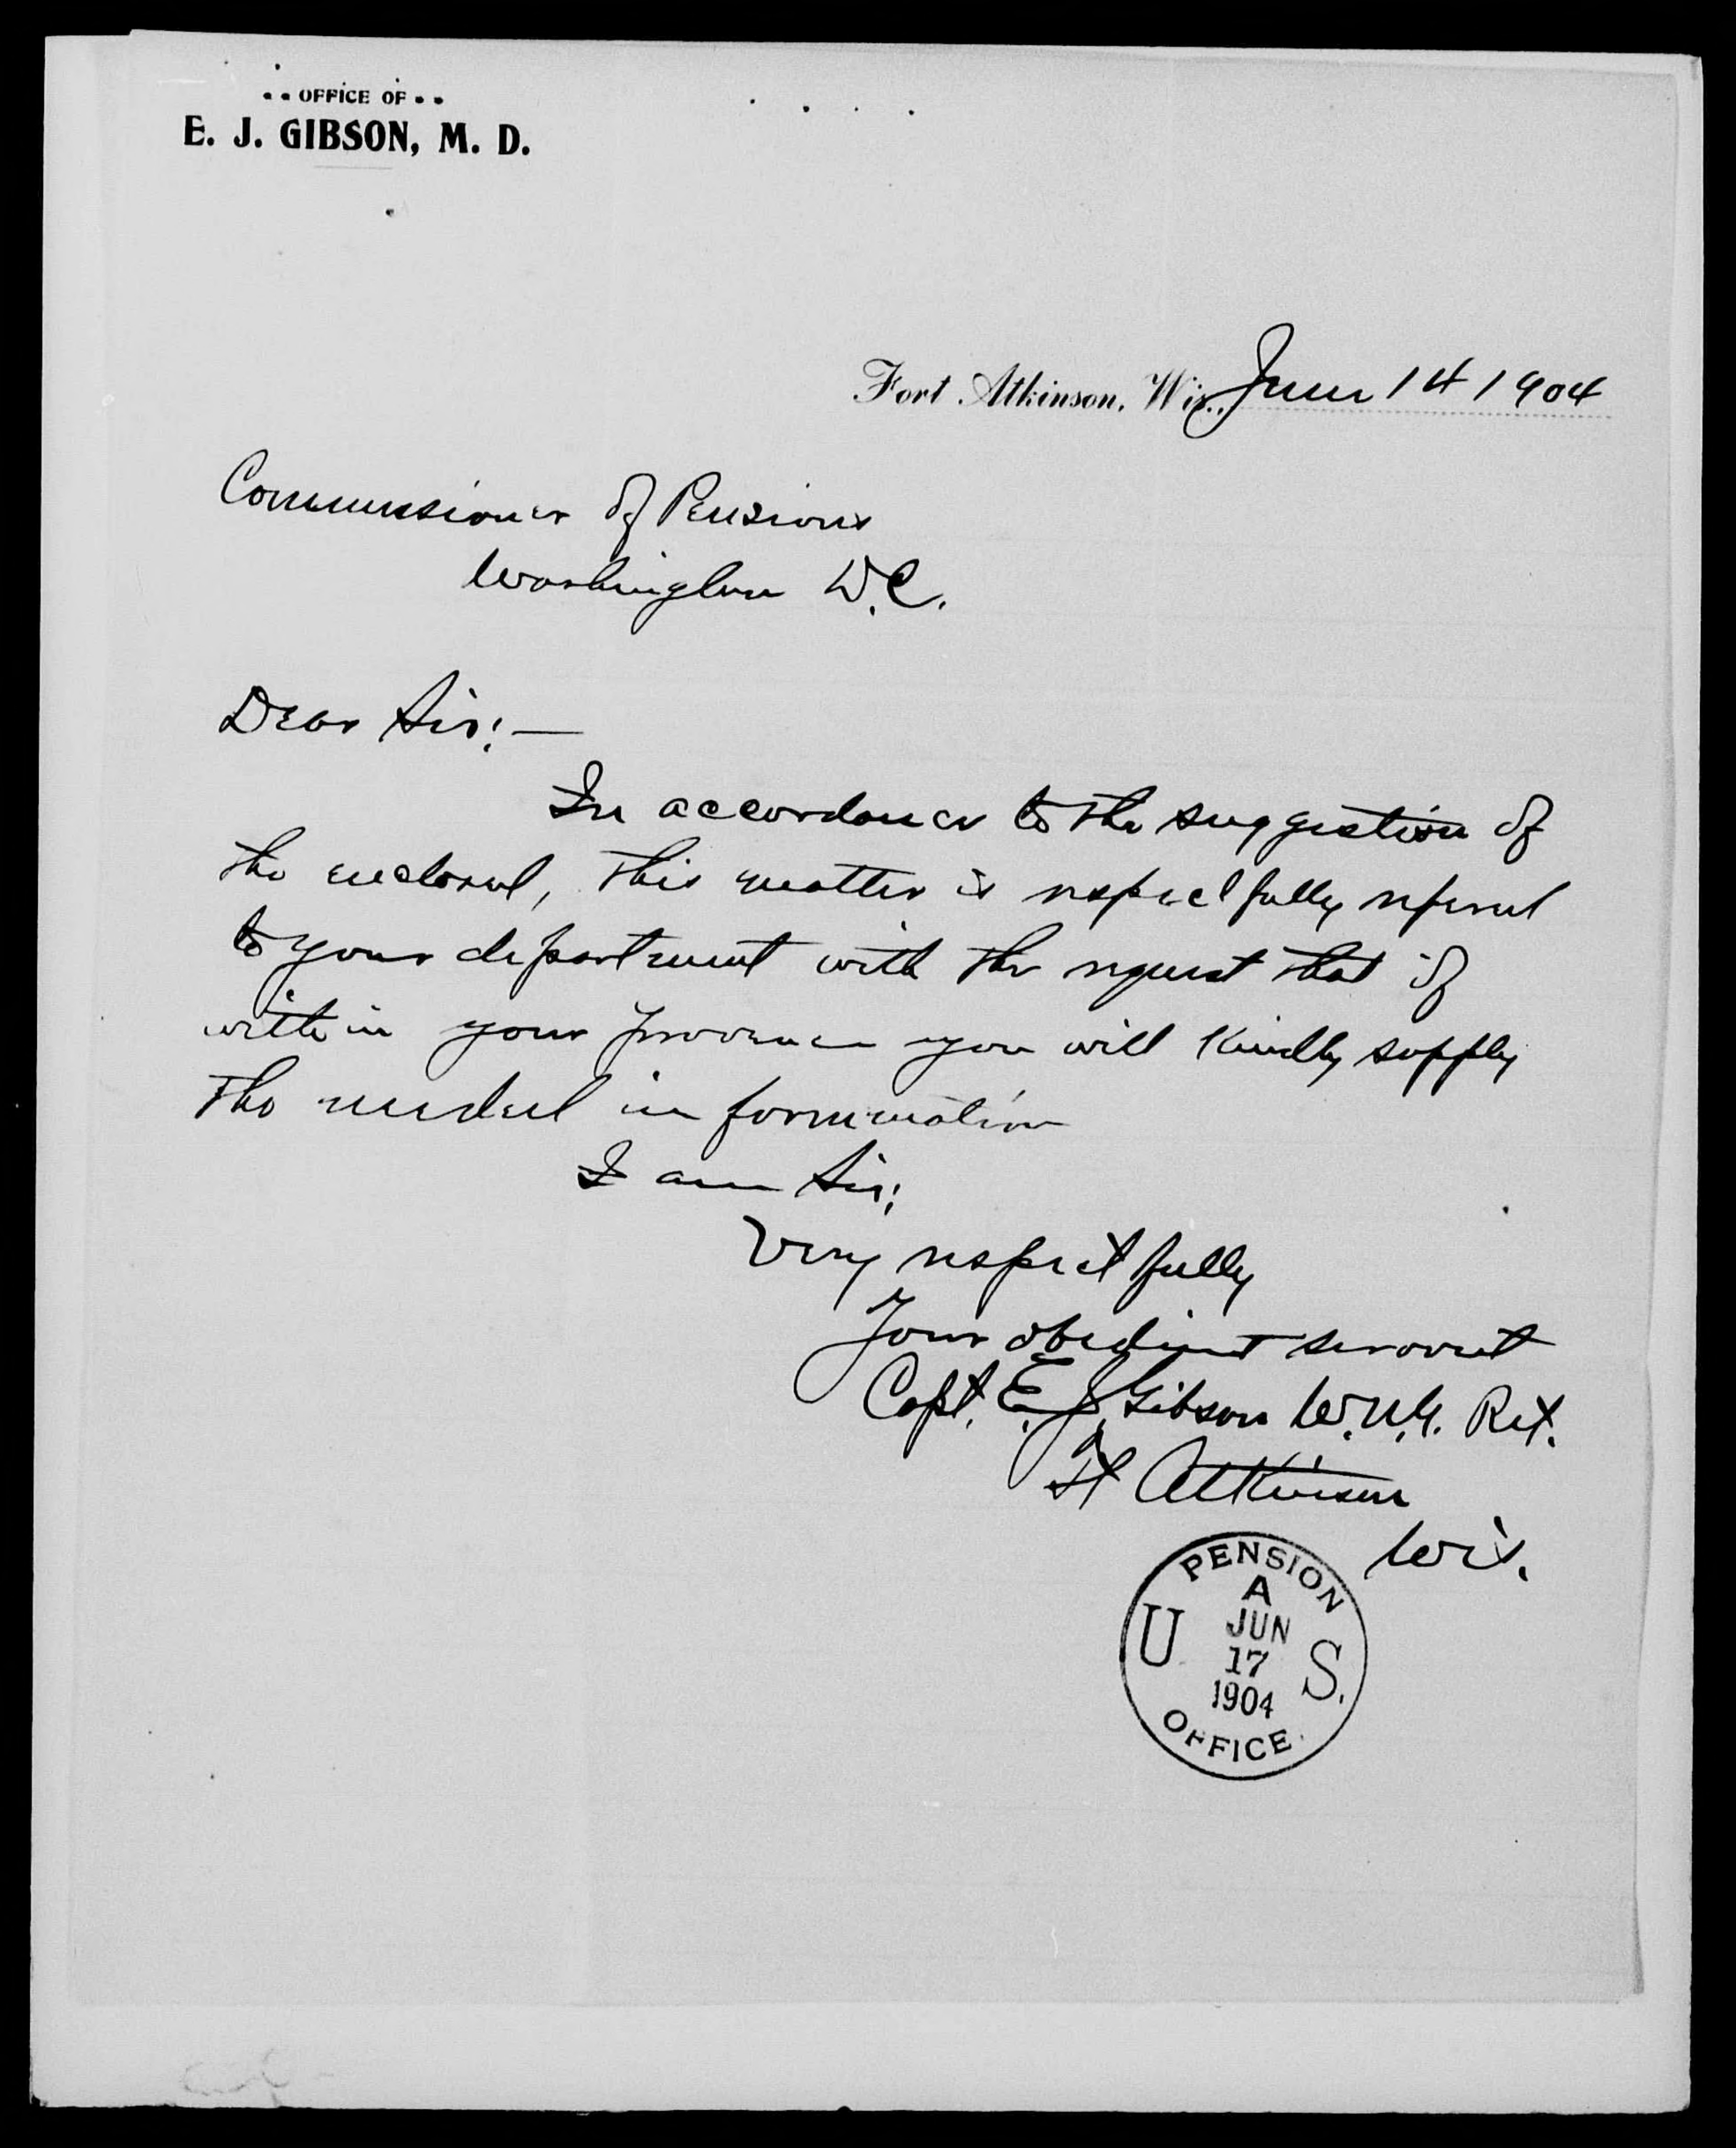Office of 
E.J. GIBSON, M.D.

Fort Atkinson, Wis., June 14 1904

Commissioner of Pensions
Washington D.C.

Dear Sir:-

In accordance to the suggestion of the enclosed, this matter is respectfully referred to your department with the request that if within your [illegible] you will kindly supply the needed information
I am Sir: 
Very respectfully
Your obedient servant 
Capt. E.J. Gibson [illegible] Ret.
Ft Atkinson
Wis.

PENSION
A
U JUN S
17
0904
OFFICE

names: E J Gibson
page: 28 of 38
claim: widow's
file: W. 23,381, Abner Hubbard, Continental Mass.